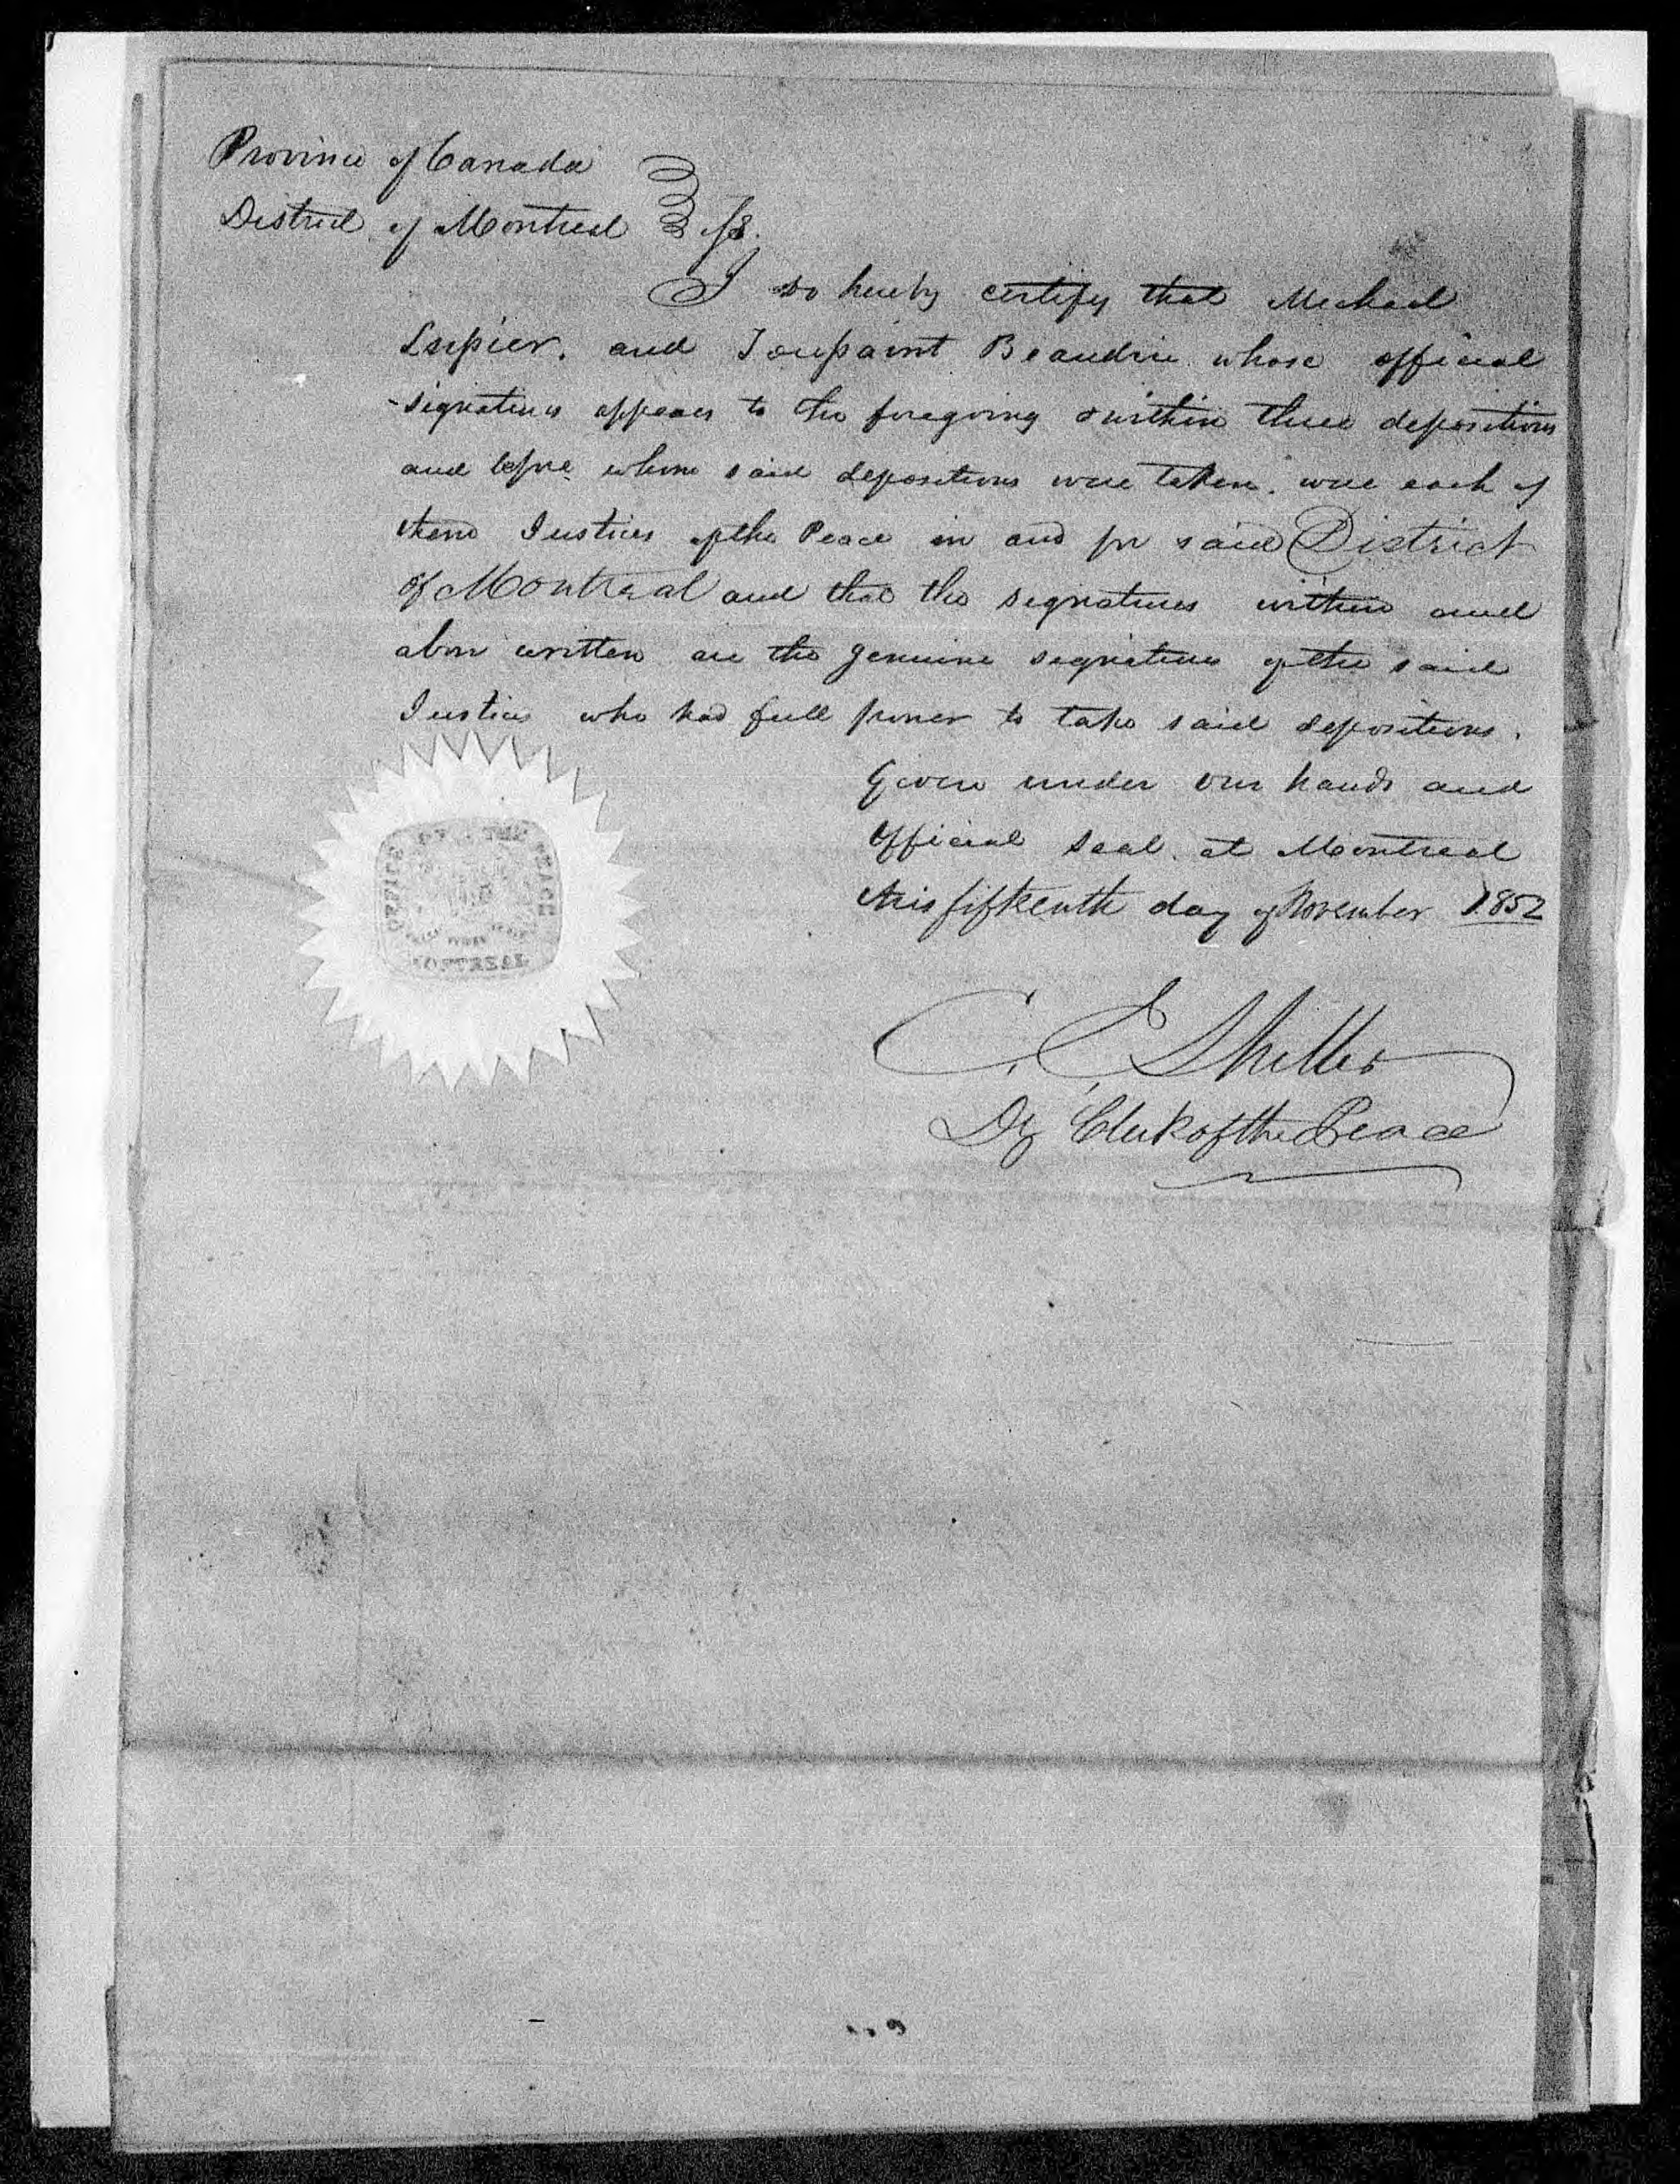Province of Canada
District of Montreal ss
I so hereby certify that Michael Lupier, and Toussant Beaudru, whose official signature appears to the foregoing & within three depositions and before whom said depositions were taken was each of and before whom said depositions were taken was each of them Justices of the Peace in and for said District of Montreal and that the signatures in there and above written are the genuine signatures of the said Justices who had full Juner to take said depositions.
Given under our hands and official seal at Montreal this fifteenth day of November 1852
 C Sheller
Dy Clerk of the Peace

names: Michael Lussier, C E Shiller, Toussaint Beaudin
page: 39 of 98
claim: widow's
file: W. 21182, Francis Gigo, Continental (Canadian)